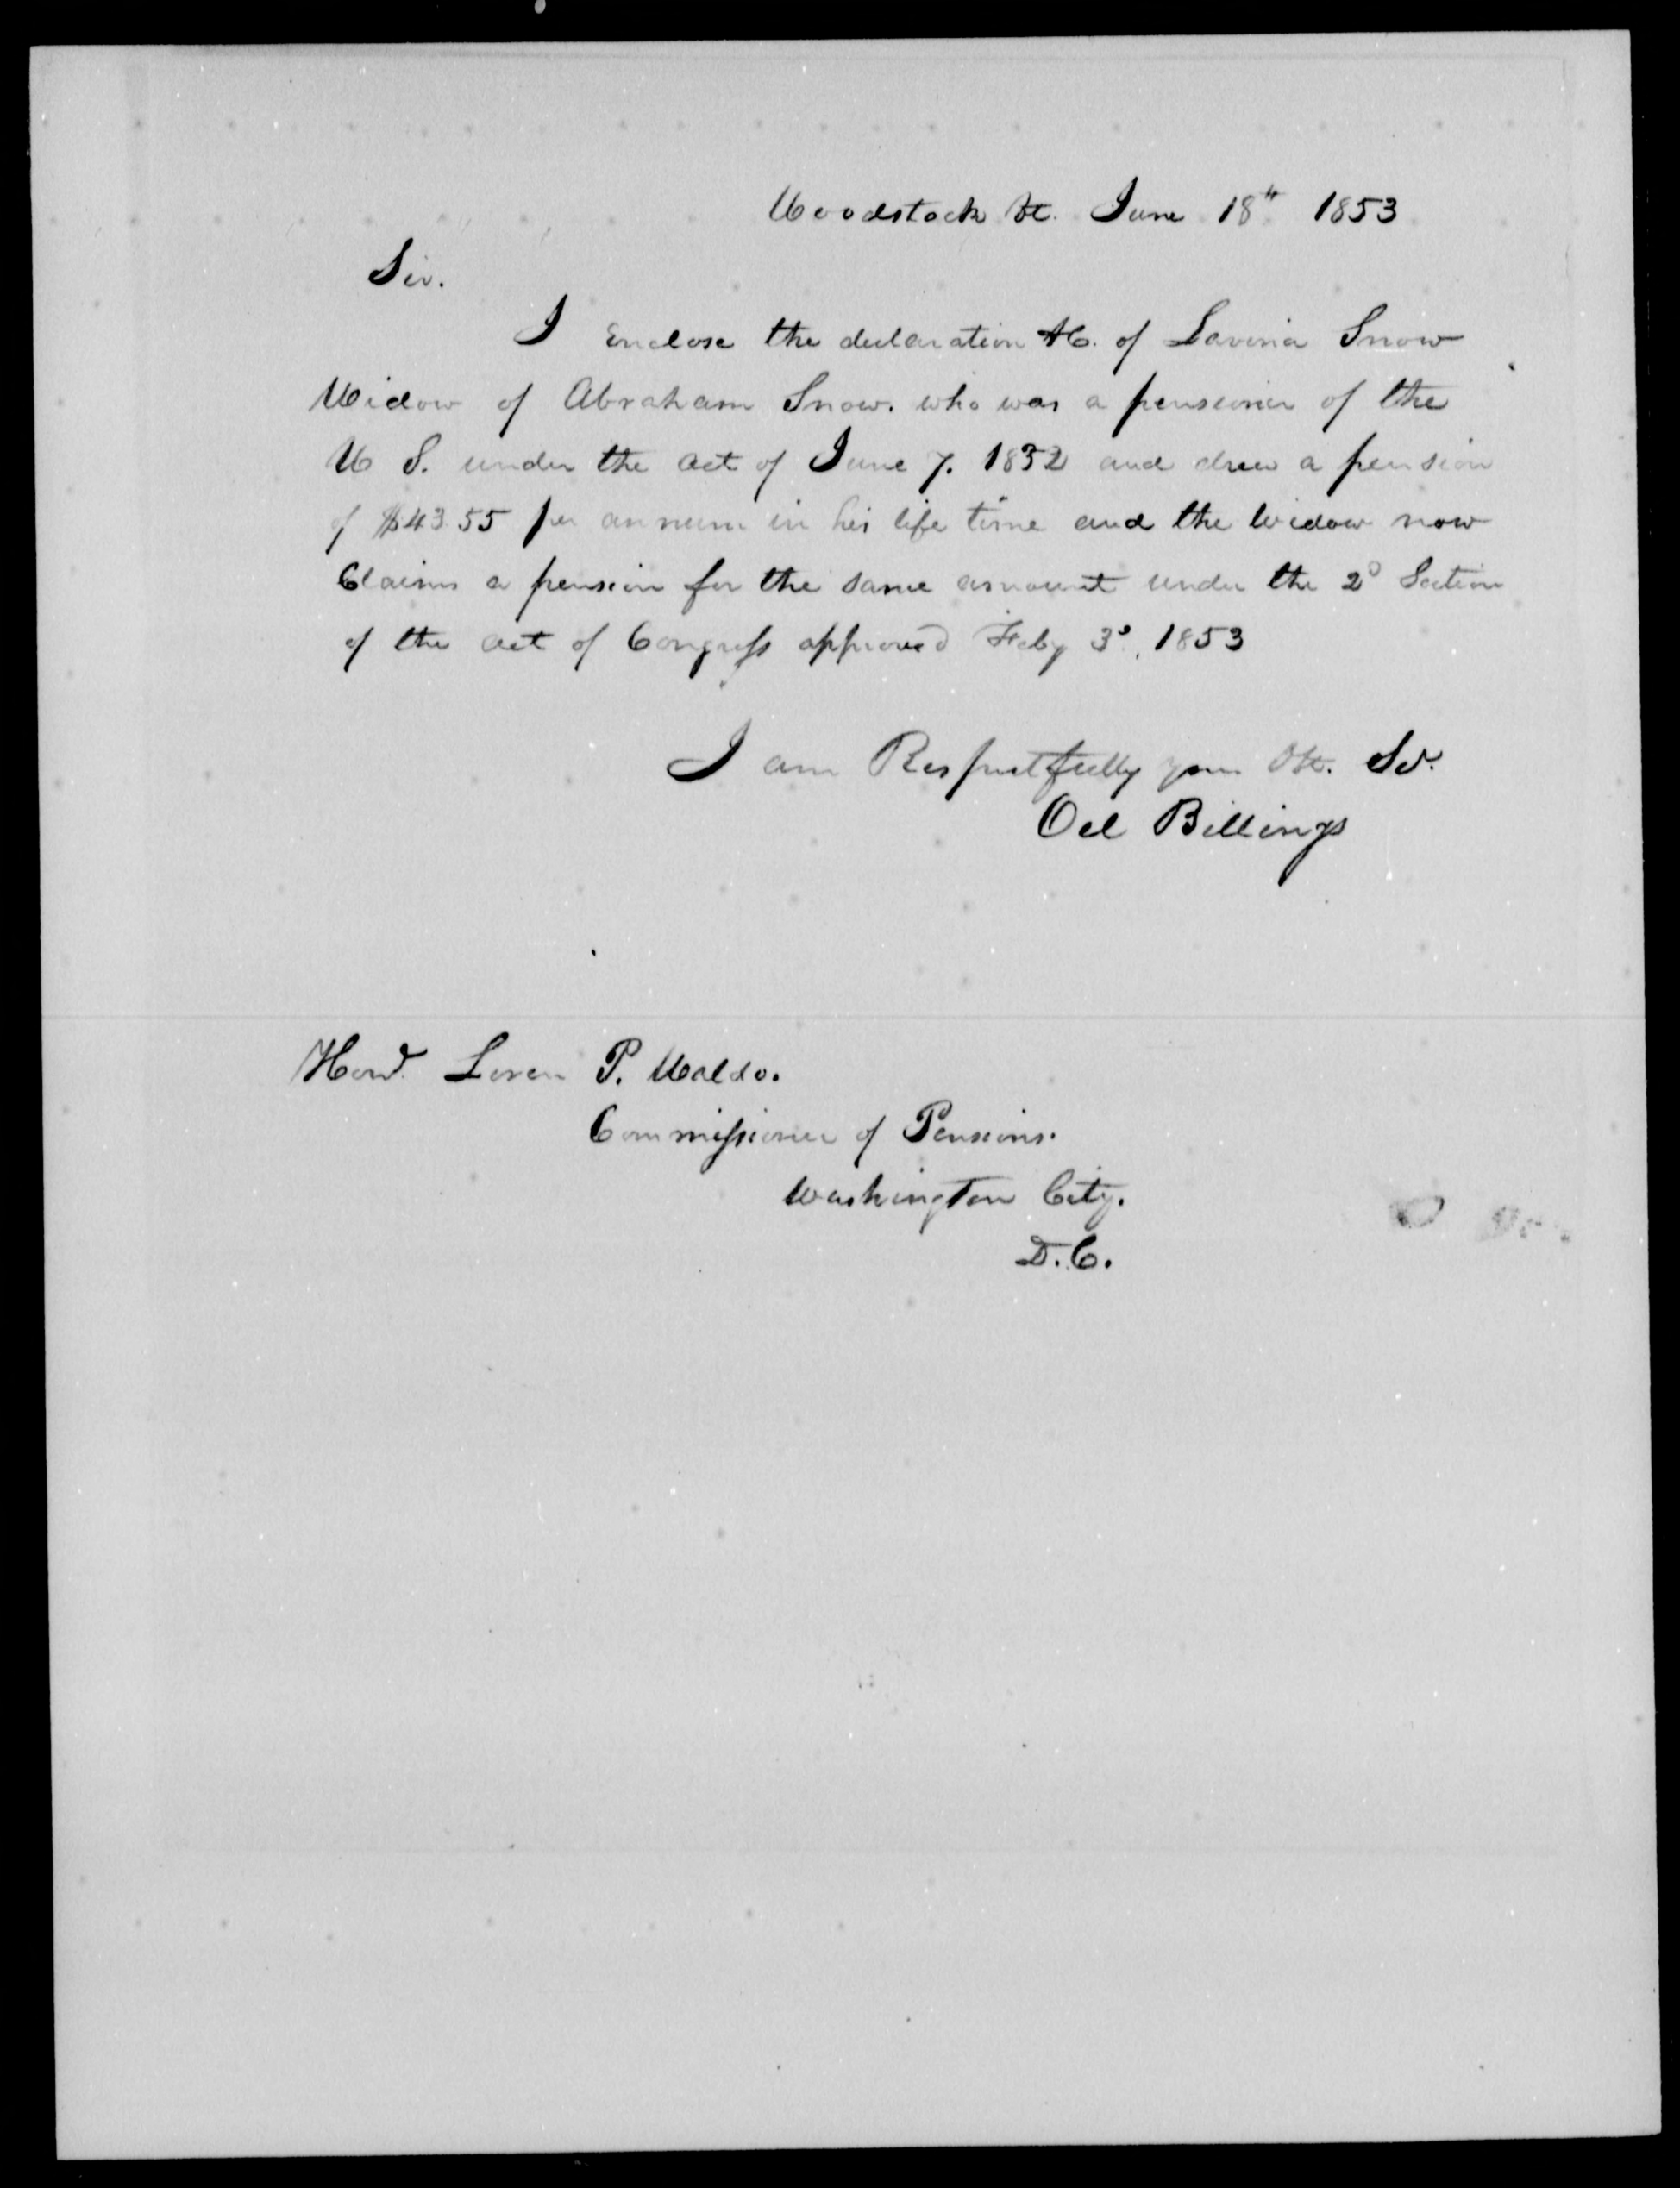Woodstock VM. June 18th 1853

Sir,
I enclose the declaration of Lavina Snow widow of Abraham Snow, who was a pensioner of the U. 8. under the act of June 7, 1832 and drew a pension of $43.55 per annum in her life time and the widow now claims a pension for the same amount under the 2nd Section of the Act of Congress approved Feb. 3rd, 1853.

I am Respectfully your Ob. Sv.,
Oel Billings

Commissioner of Pensions
Washington City,
D.C.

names: Loren P Waldo; Oel Billings; Lavina Snow; Abraham Snow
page: 37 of 46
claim: widow's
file: W. 504, for Abraham Snow, Connecticut